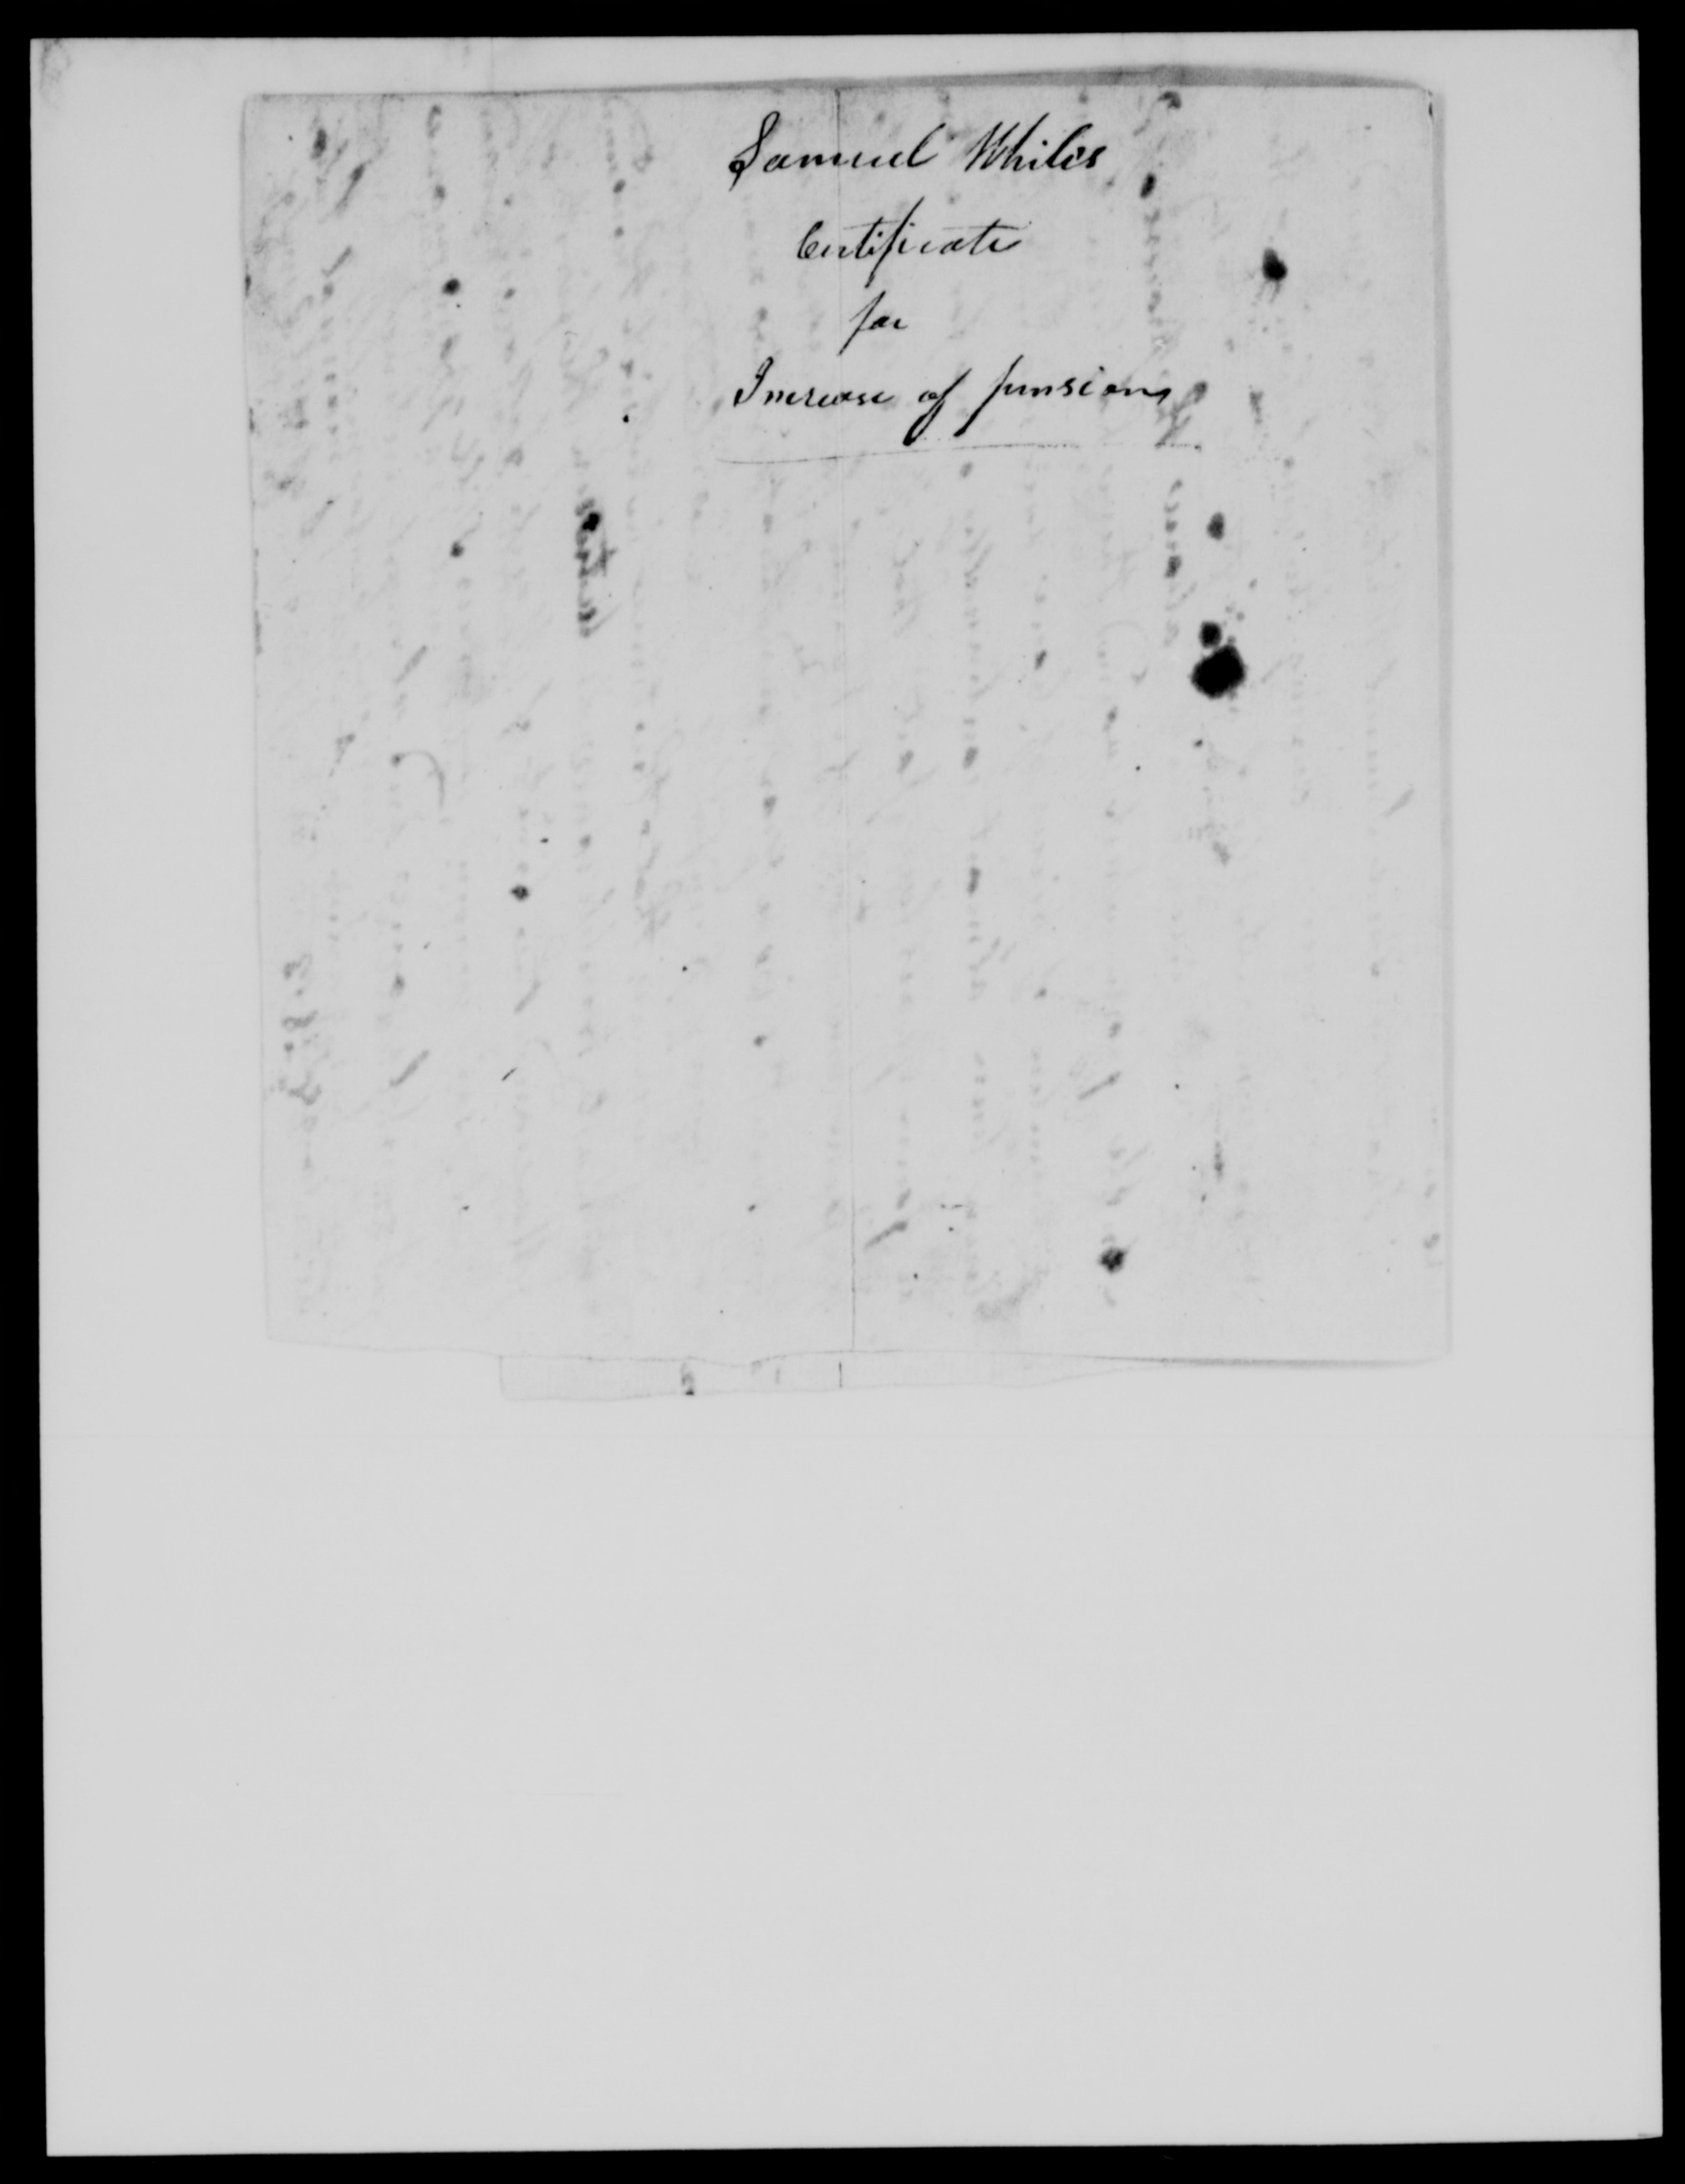Samuel White's 
Certificate for
Increase of pension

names: Samuel White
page: 63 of 79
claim: survivor's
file: S. 11759, Samuel White, Mass.